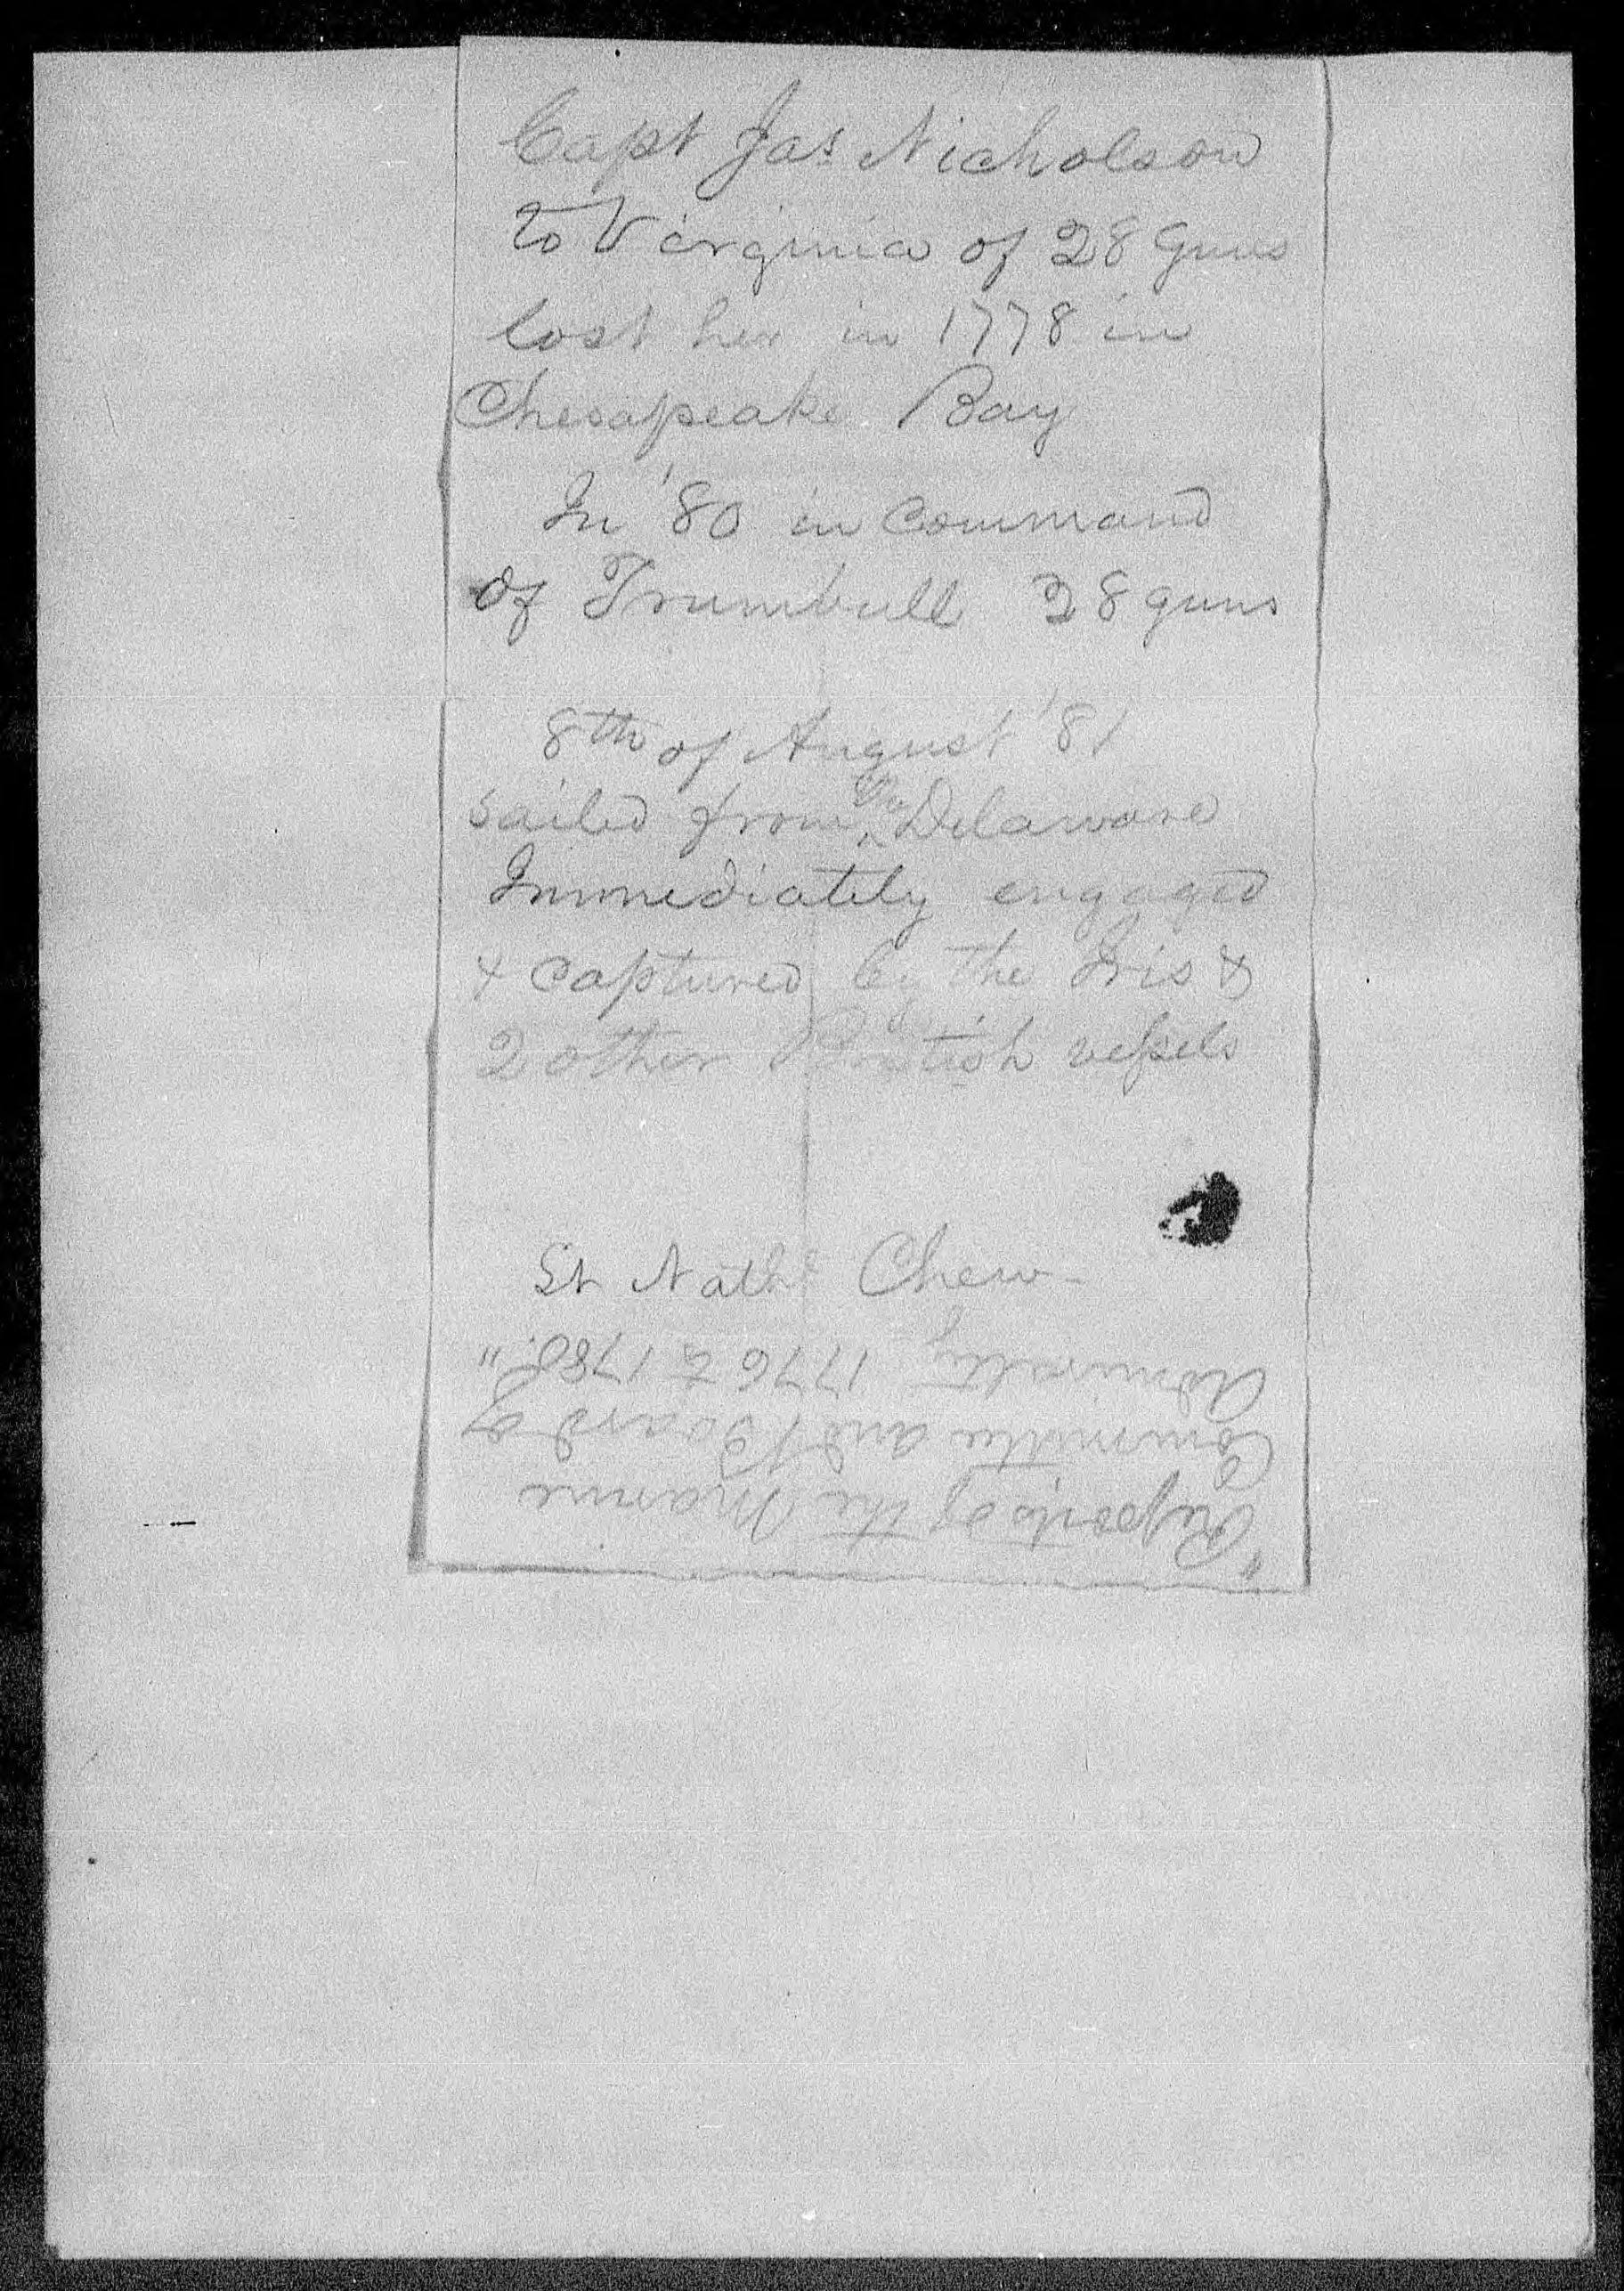Capt Jas Nicholson
to Virginia of 28 guns
lost her in 1778 in
Chesapeake Bay

In '80 in command
of Trumbull 28 guns

8th of August '81
sailed from the Delaware
Immediately engaged
& captured by the Iris &
2 other British repels

Lt Nathl Chew

"[illegible] of the Marine
Committee and Board of
Admiralty 1776 to 1780."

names: Trumbull, Jas Nicholson, Nathl Chew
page: 28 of 59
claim: widow's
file: W. 9383, Nathaniel Chew, Navy (Md.)